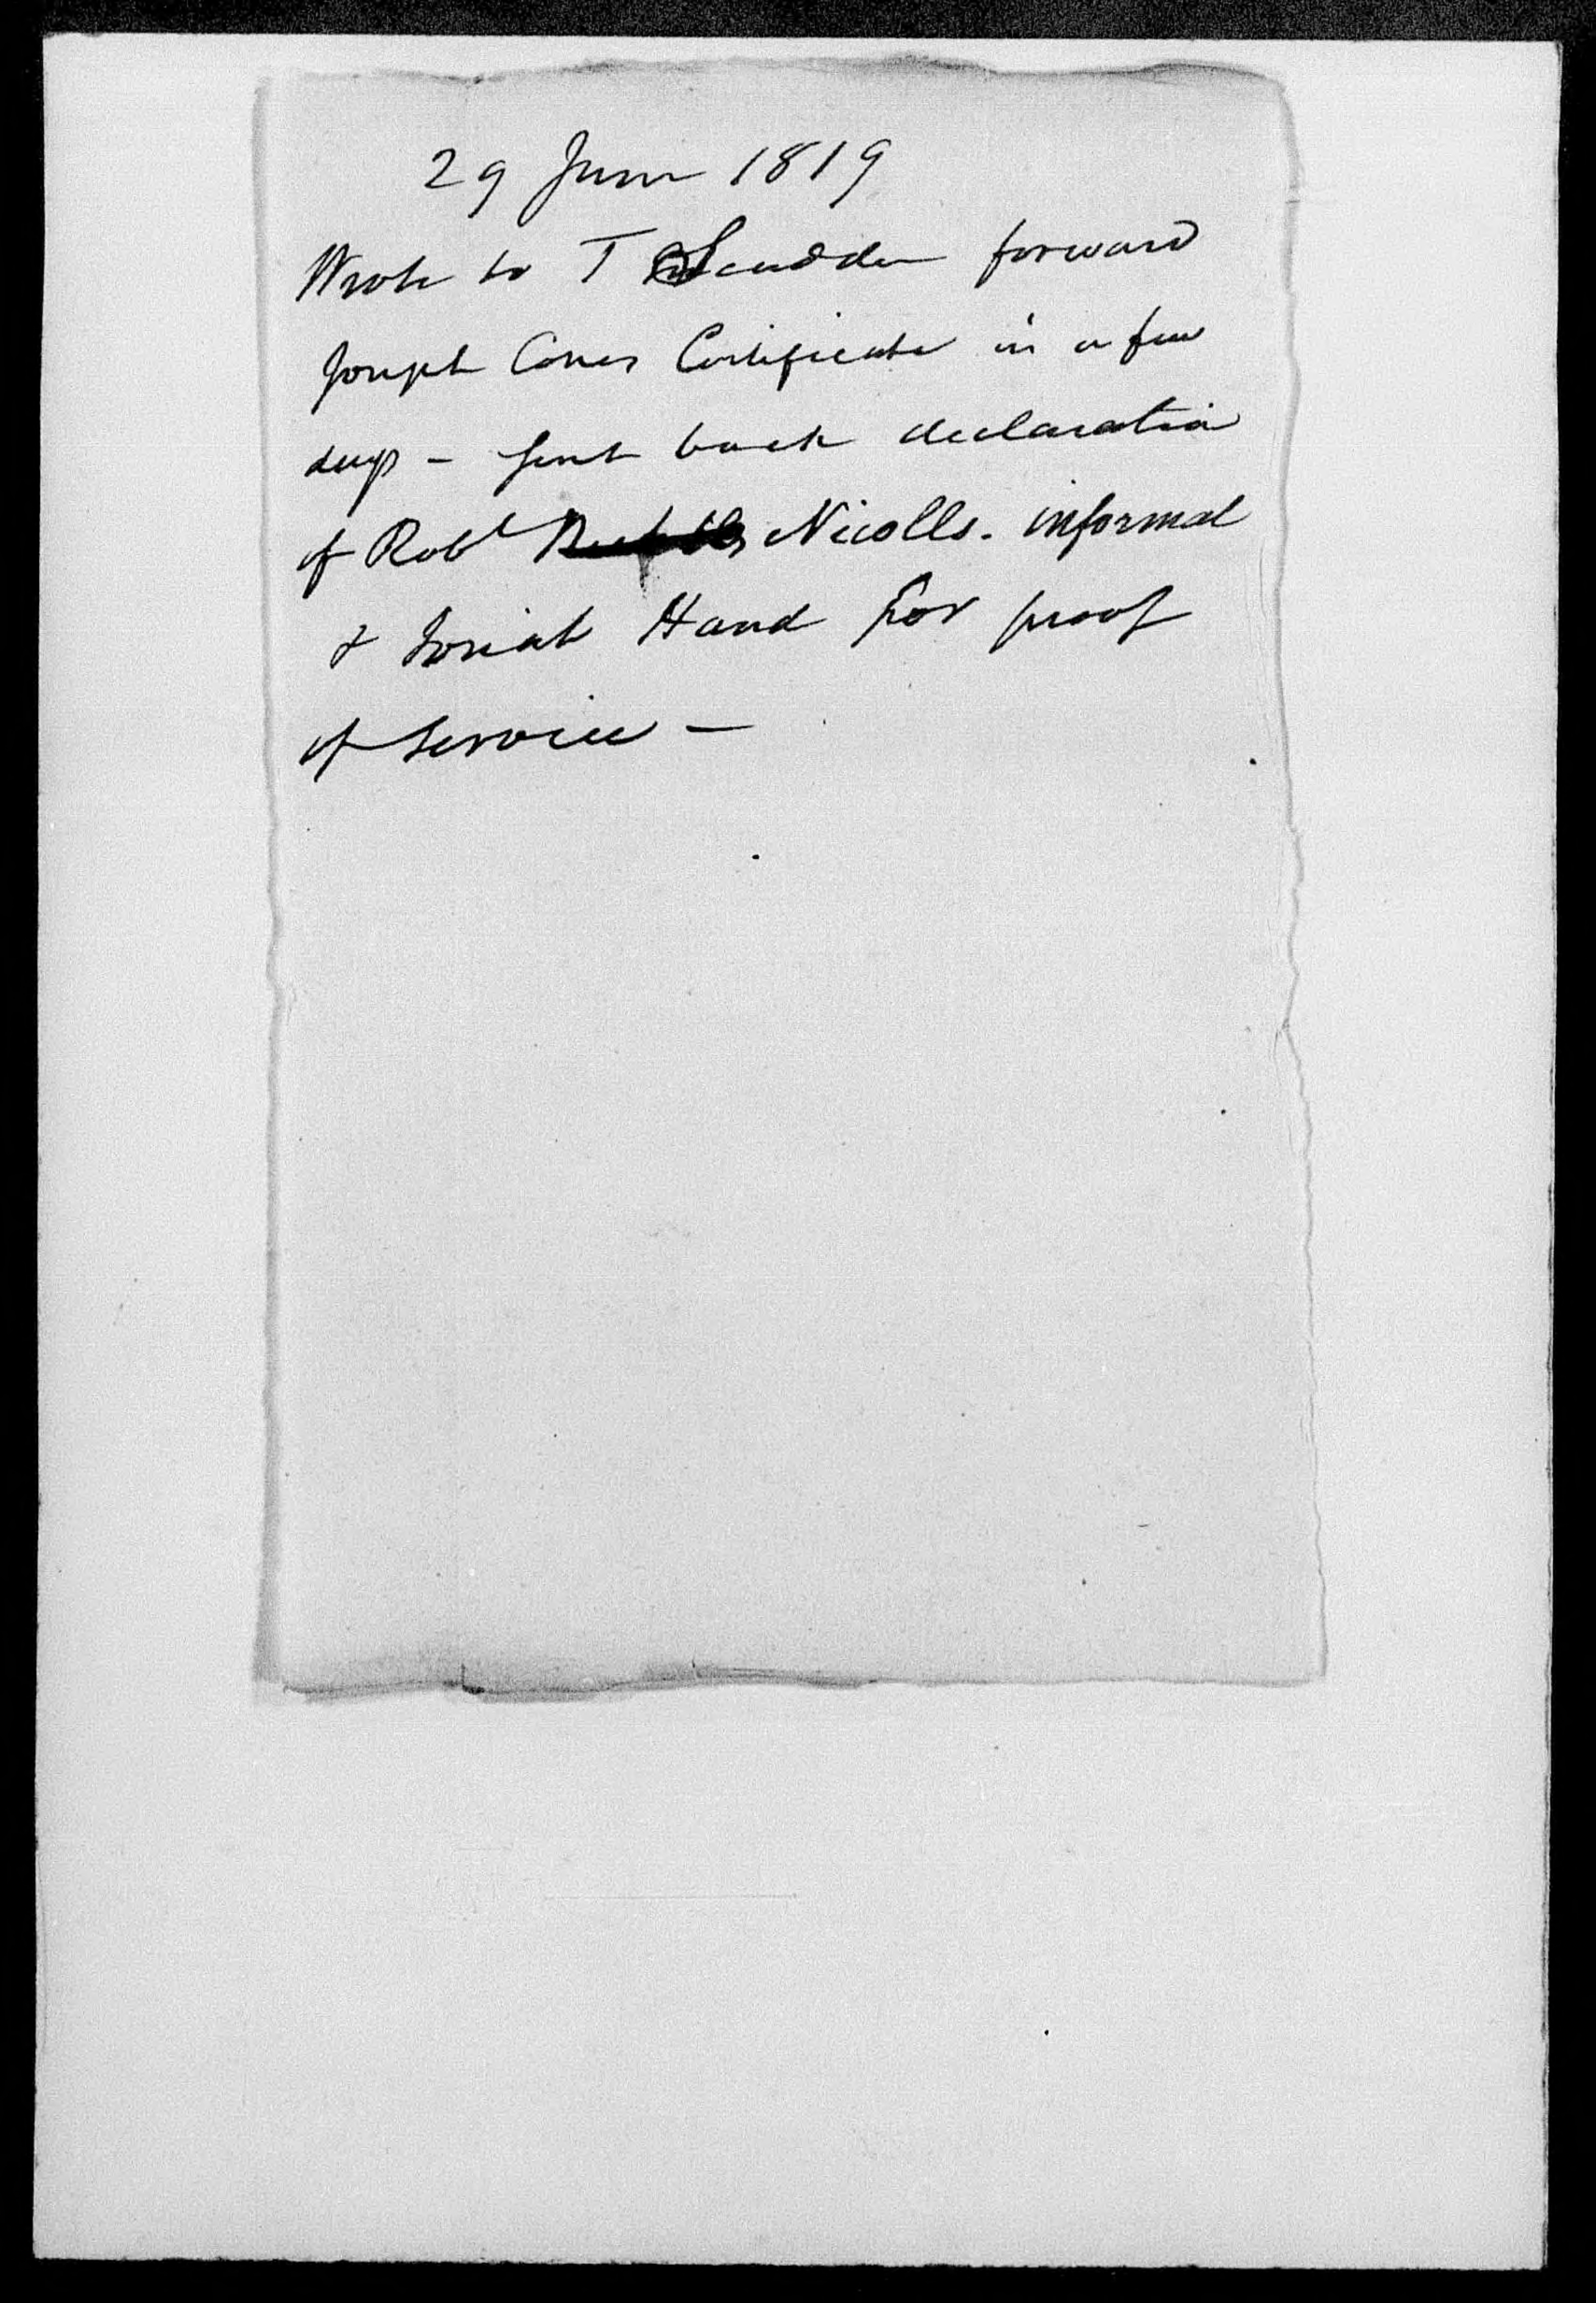29 June 1819
Wrote to T Send to forward Joseph Cones Certificate in a few days - sent back declaration of Robt [illegible, crossed out] Nicolls. informal & Josiah Hand for proof of service -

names: Robt Nicolls, Josiah Hand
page: 22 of 28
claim: survivor's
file: S. 12569, Joseph Cone, Conn Continental